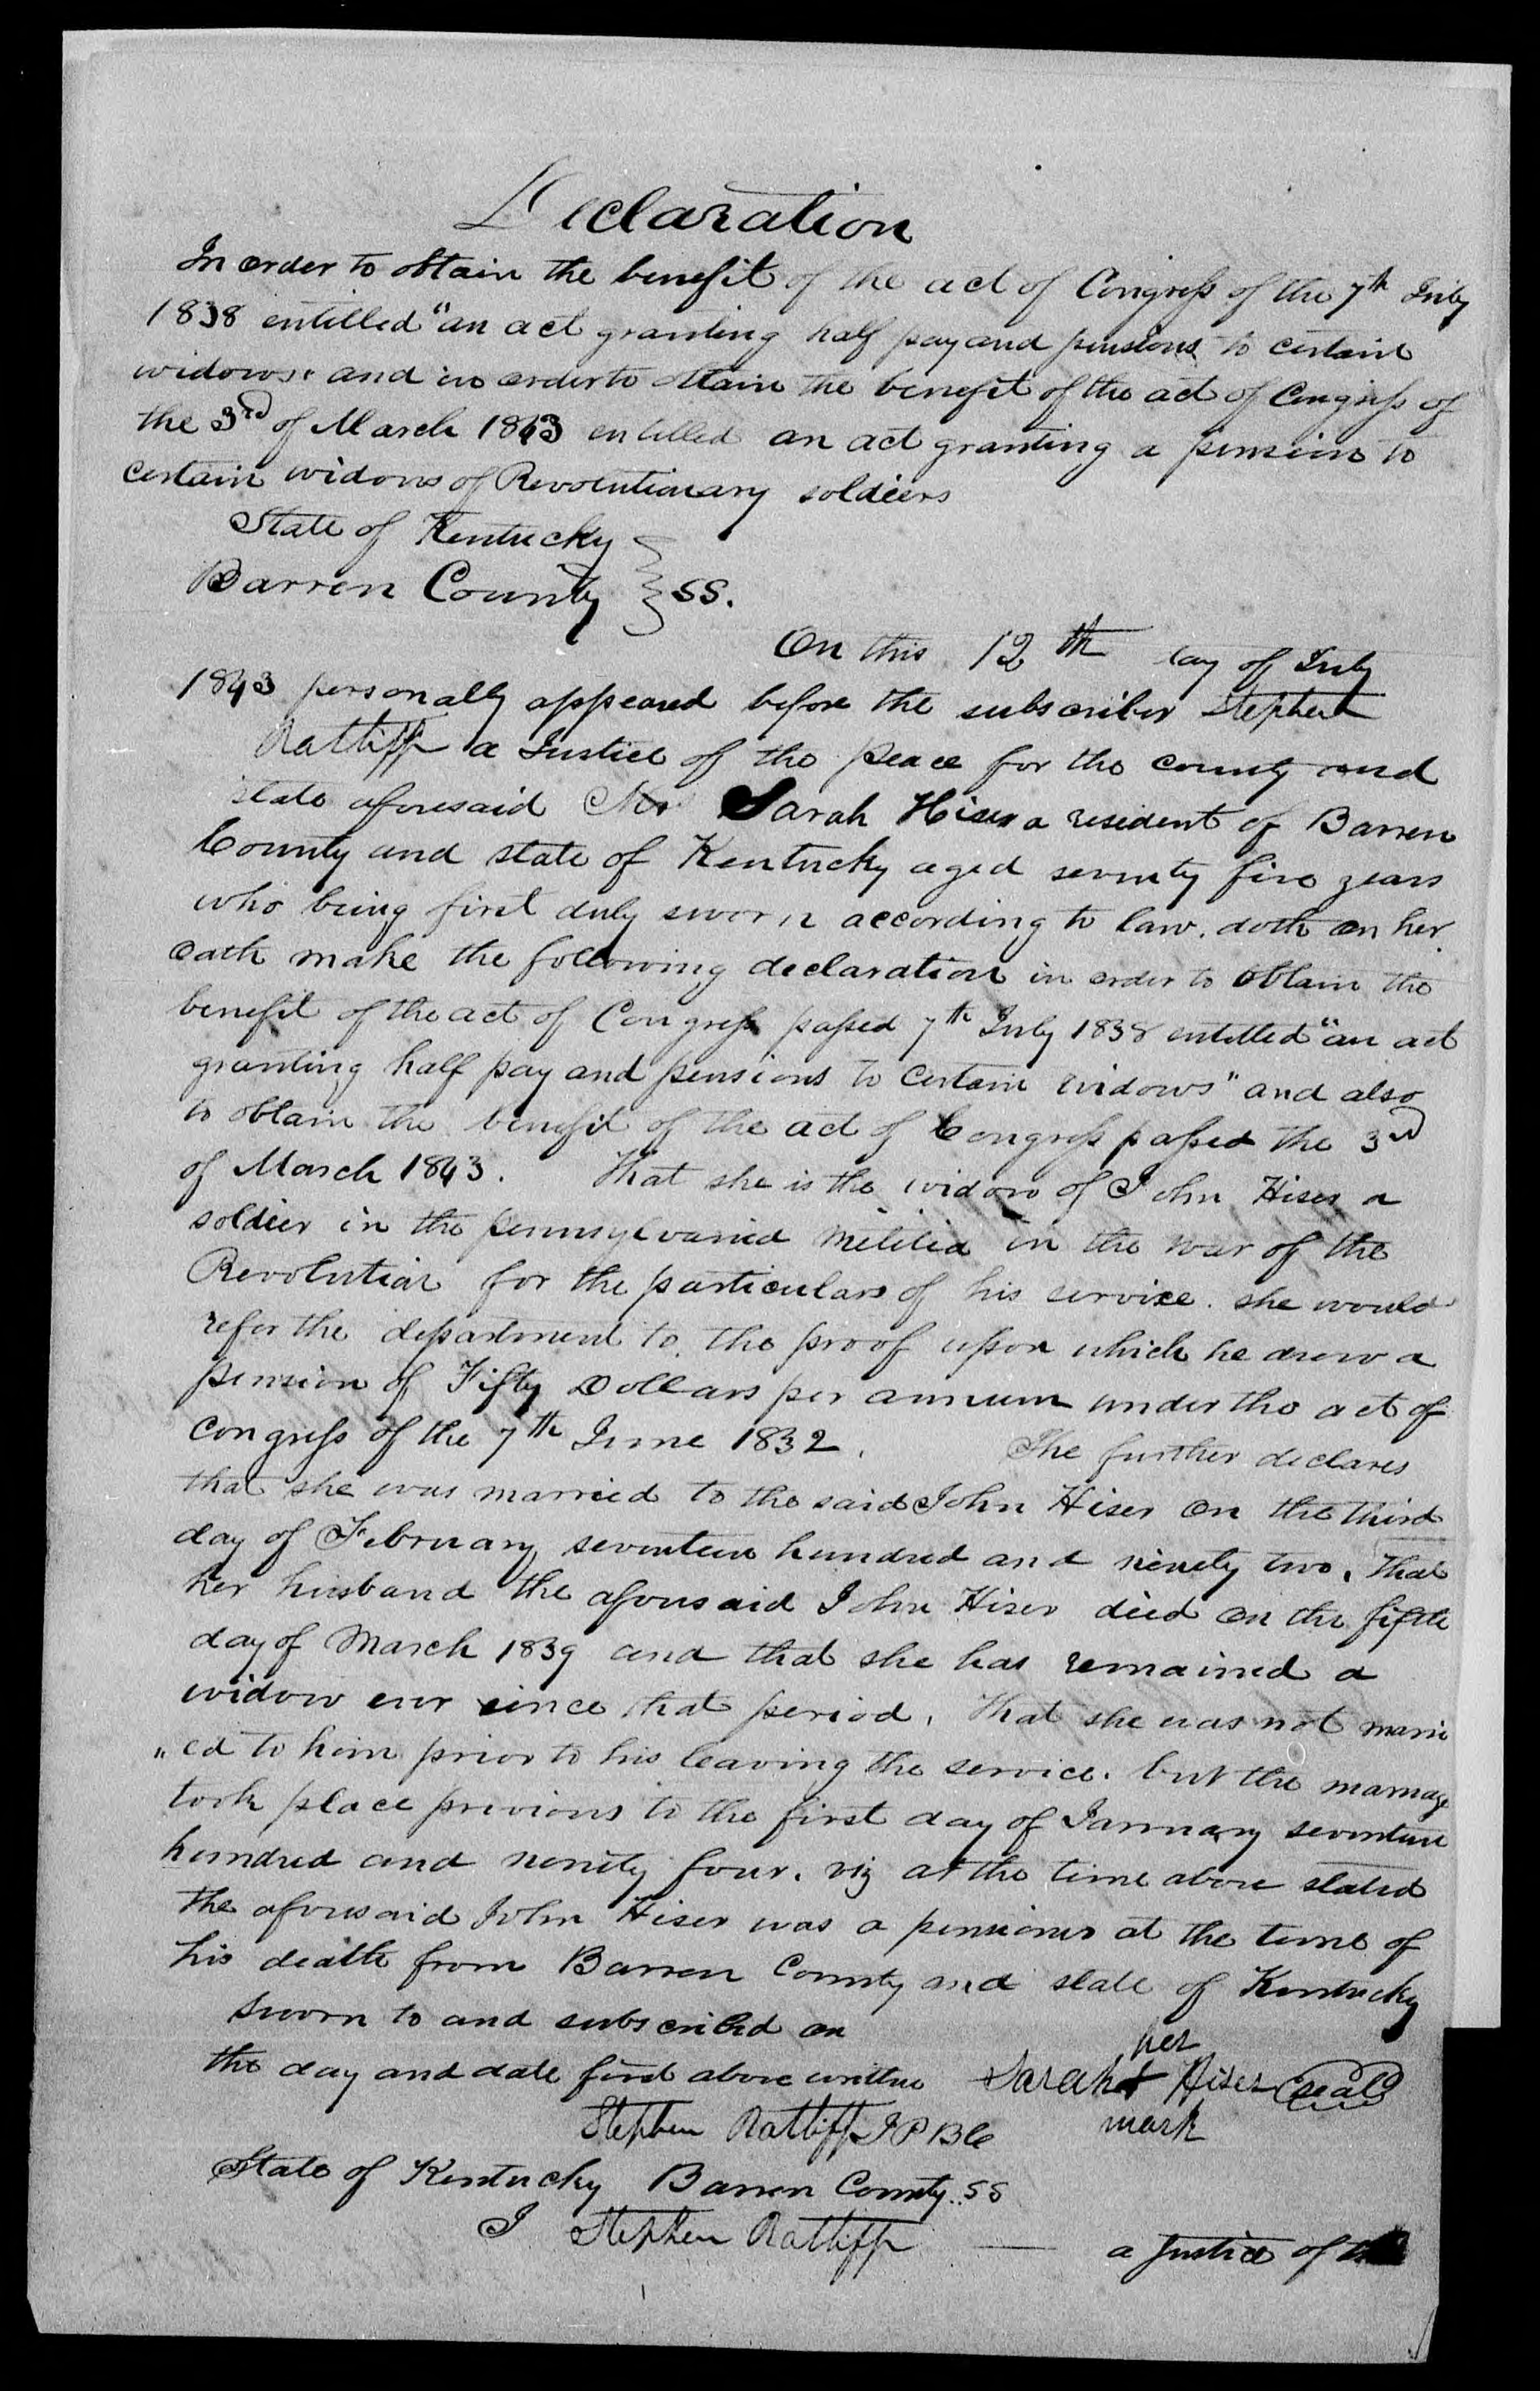Declaration
In order to obtain the benefit of the act of Congress of the 7th July 1838 entitled "an act granting half pay and pensions to certain widows and in order to obtain the benefit of the act of Congress of the 3rd of March 1843 entitled an act granting a pension to certain widows of revolutionary soldiers
State of Kentucky
Barren County} SS

On this 12th day of July 1843 personally appeared before the subscriber Stephen Ratliff a Justice of the Peace for the county and state aforesaid Mrs. Sarah Hiser a resident of Barren County and the state of Kentucky aged seventy five years who being first duly sworn according to law, doth on her oath make the following declaration in order to obtain the benefit of the act of Congress passed 7th July 1838 entitled "an act granting half pay and pensions to certain widows" and also to obtain the benefit of the act of Congress passed the 3rd of March 1843. That she is the widow of John Hiser a soldier in the Pennsylvania militia in the War of the Revolution for the particulars of his service she would refer the department to the proof upon which he drew a pension of Fifty Dollars per annum under the act of Congress of the 7th June 1832. She further declares that she was married to the said John Hiser on the third day of February seventeen hundred and ninety two, that her husband the aforesaid John Hiser died on the fifth day of March 1839 and that she remained a widow ever since that period. That she was not married to him prior to his leaving the service, but the marriage took place previous to the first day of January seventeen hundred and ninety four viz. at the time above stated the aforesaid John Hiser was a pensioner at the time of his death from Barren county and state of Kentucky
Sarah Hiser
her  x  mark
Sworn to and subscribed on the day and date above written
Stephen Ratliff JPBC
State of Kentucky Barron County SS
I Stephen Ratliff-a justice of the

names: John Hiser, Sarah Hiser, Stephen Ratliff, Stephen Ratliff, John Hiser, Sarah Hiser, John Hiser, Stephen Ratliff, John Hiser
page: 4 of 58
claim: widow's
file: W. 8932, John Hiser, Penn.